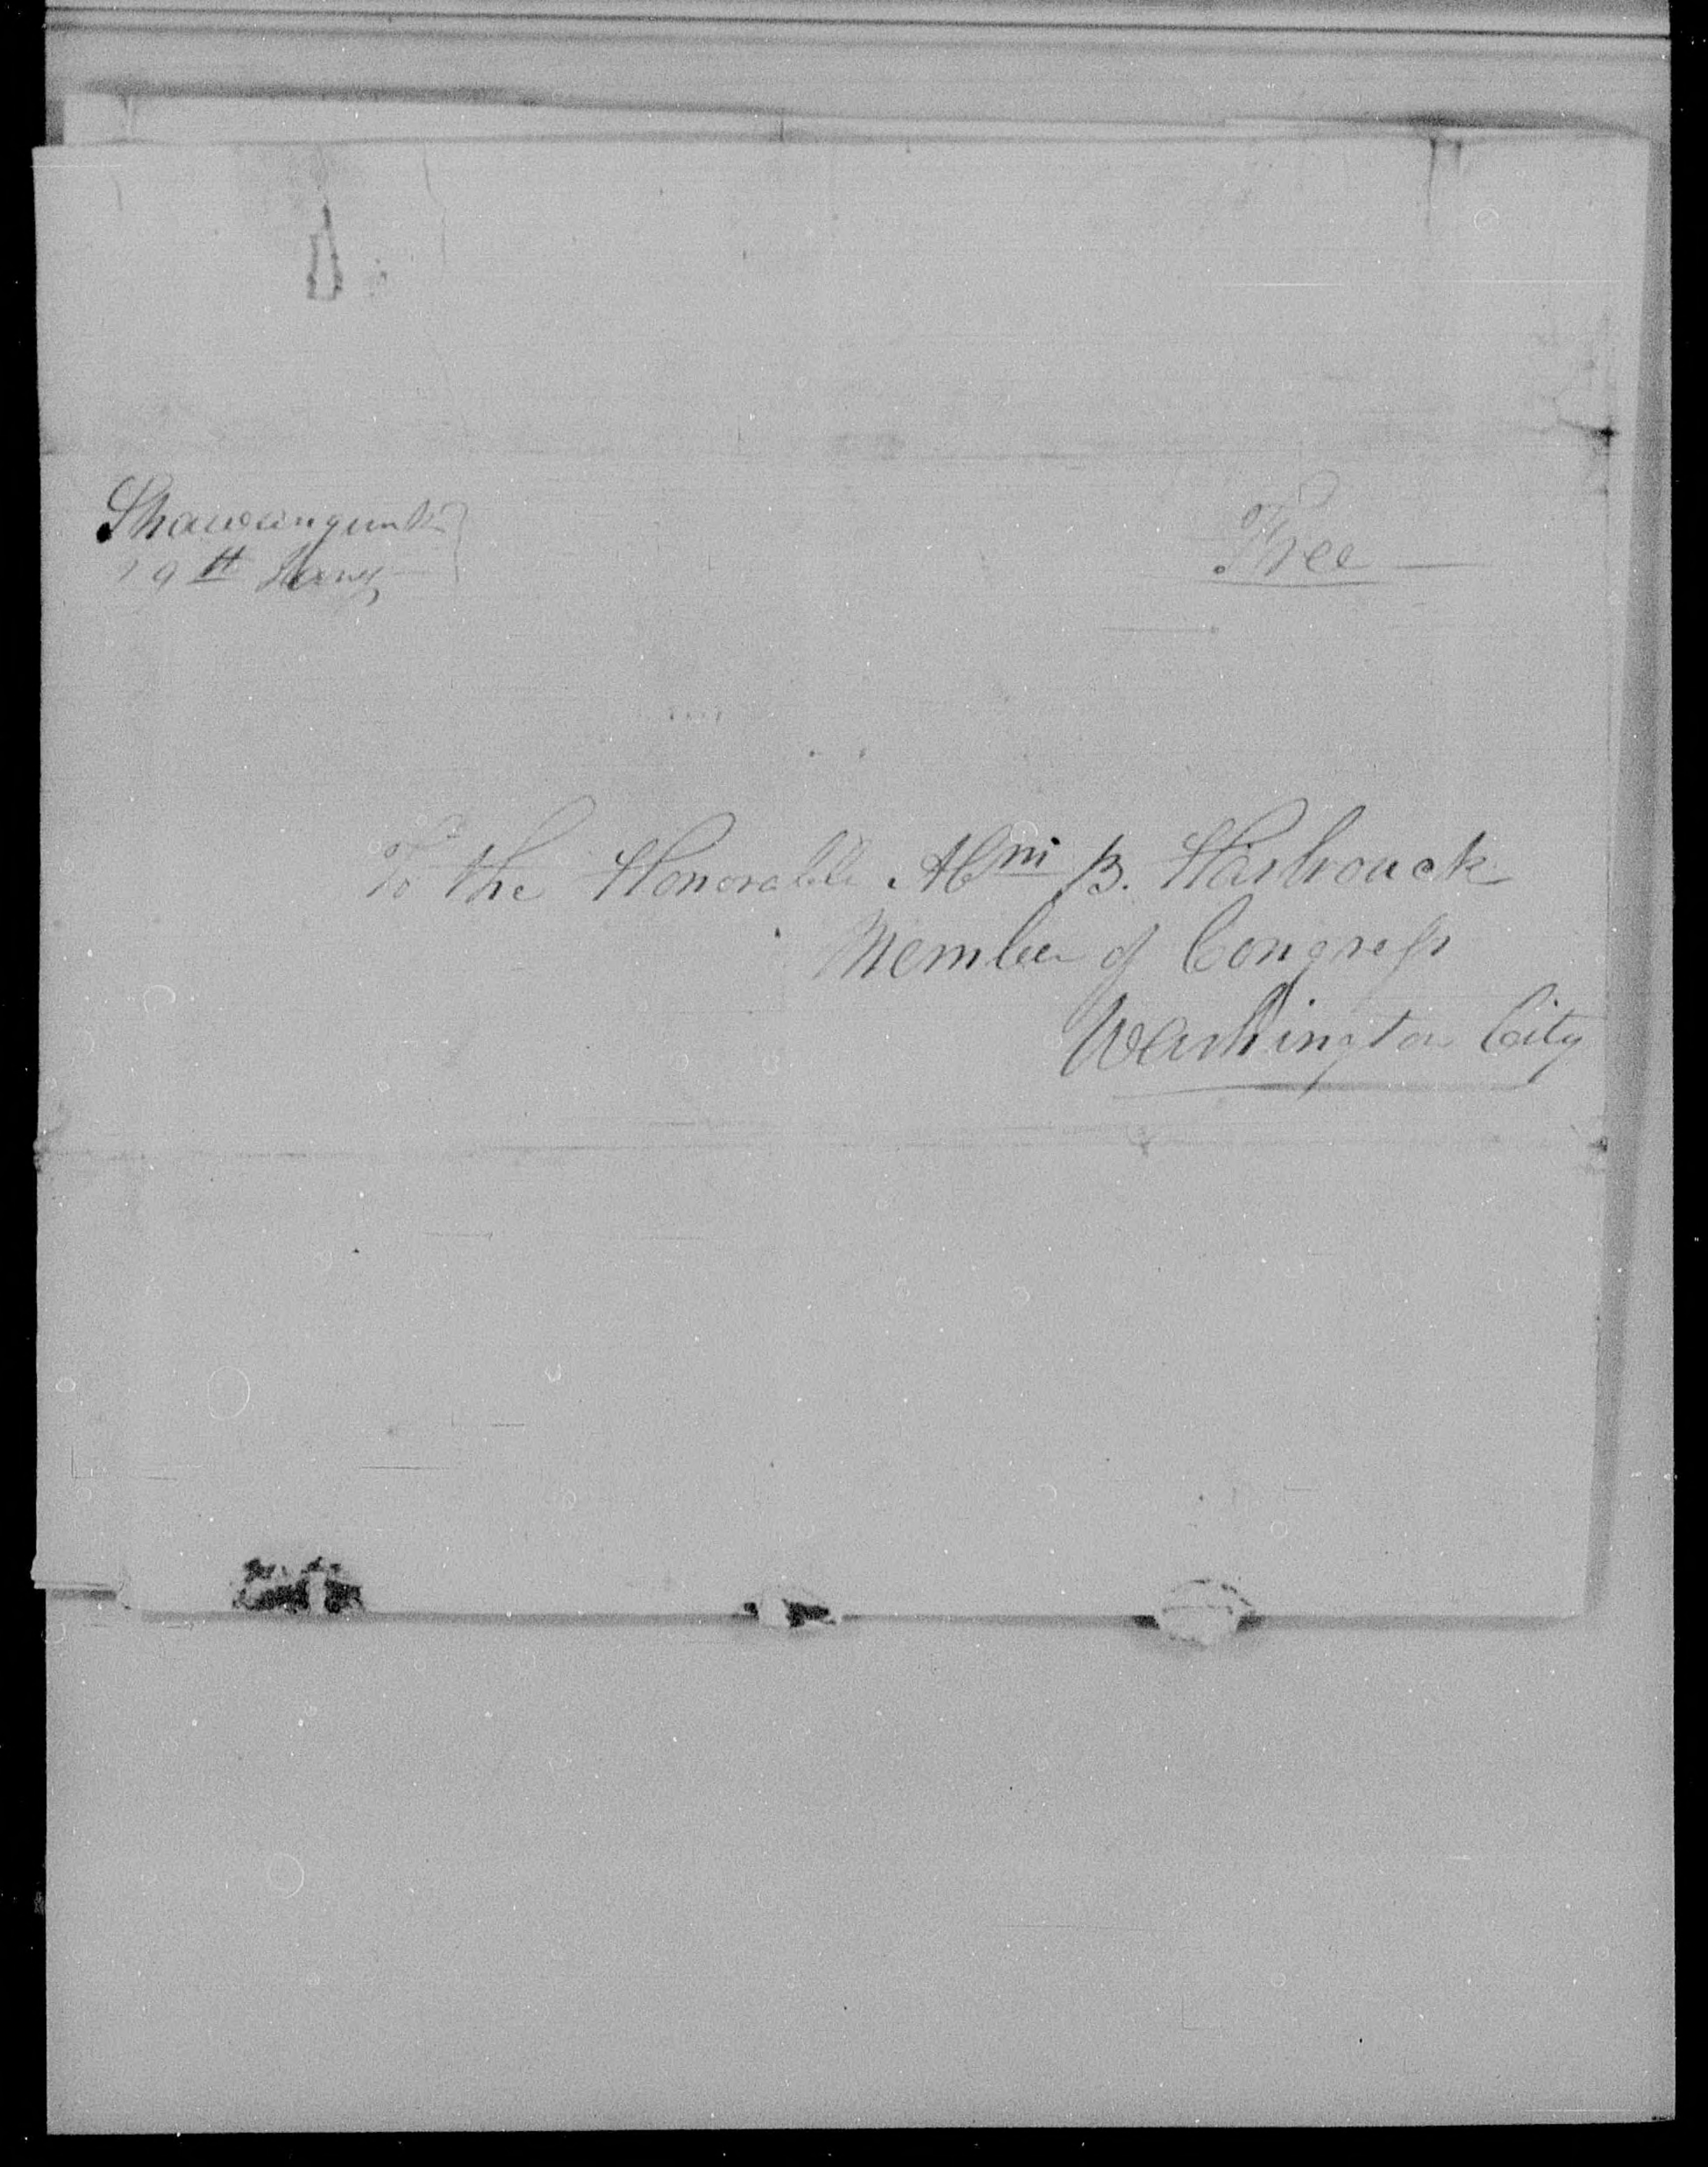Shawangunk
19th line
---
---
Free
To the Honorable Abm B. Hasbrouck
Member of Congress
Washington City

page: 19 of 64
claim: survivor's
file: S. 42,464, for William Terwilliger, New York